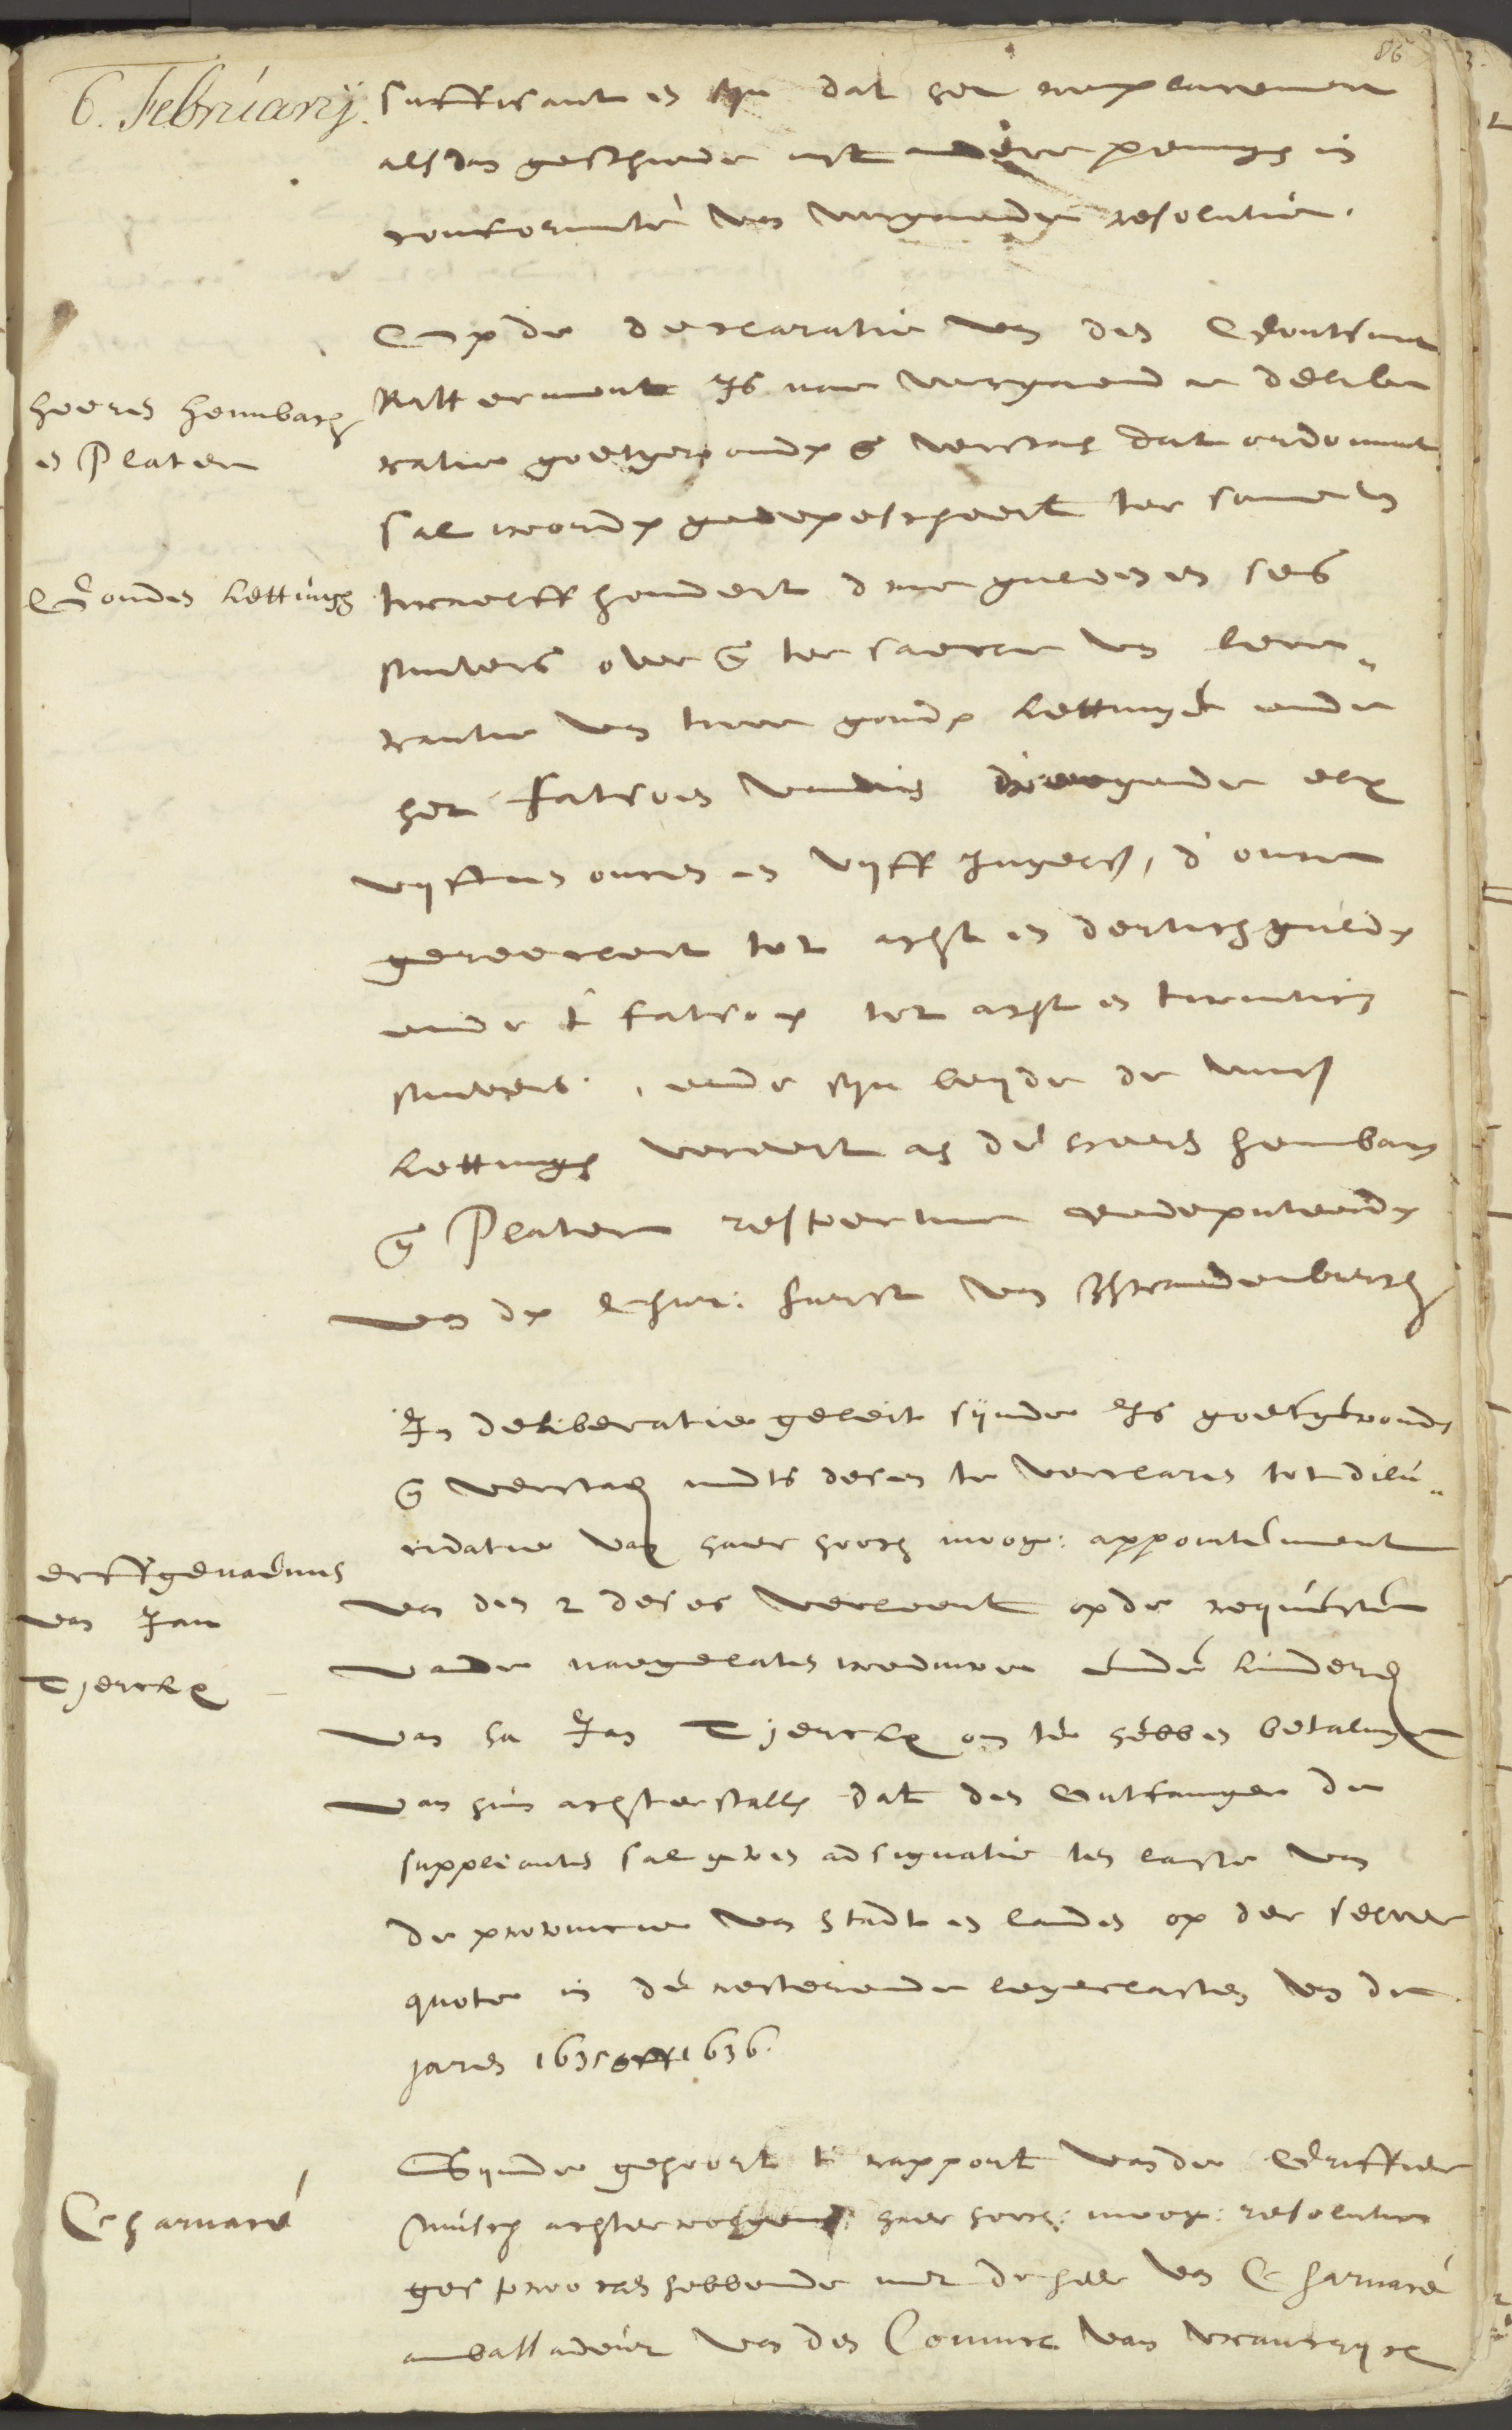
86
6. Februarij
suffisant en syn dat het remplacement
alsdan geschiede uyt andere penningen in
conformité van voorgaende resolutie.
heeren Hembach
en Plater
Gouden Kettingh
Op de declaratie van den Goutsmit
Rottermont is nae voorgaende delibe
ratie goetgevonden & verstaen dat ordonnantie
sal worden gedepescheert ter somme van
twaelff hondert drie gulden en ses
stuivers over & ter saecke van leve,,
rantie van twee gouden kettingen ende
het fatsoen vandien die wegende elx
vyftien oncen en vijff Ingels, d'once
gereeckent tot acht en dertig gulden
ende t' fatsoen tot acht en twintich
stuvers, ende syn byde de voors
kettingen vereert aen de heren Hembach
& Plater respective gedeputeerden
van den chur: furst van Brandenburch
erffgenaemen
van Jan
Tjerckx
In deliberatie geleit sijnde is goetgevonden
& verstaen mits desen te verclaren tot dilu,,
cidatie van haer hooch moog: appointement
van den 2 deses verleent op de requeste
van de naegelaten weduwe ende kinderen
van sa Jan Tjerckx om te hebben betalinge
van hun achterstallen dat den Ontfanger de
supplianten sal geven adsignatie ten laste van
de provincie van Stadt en landen op der selve
quote in de resterende legerlasten van den
jaren 1635 off 1636.
Charnacé
Synde gehoort t' rapport vande Griffier
Musch achtervolgens haer hooch: moog: resolutie
gesproocken hebbende met de heer van Charnacé
ambassadeur van den Coninck van Vrancrijck
